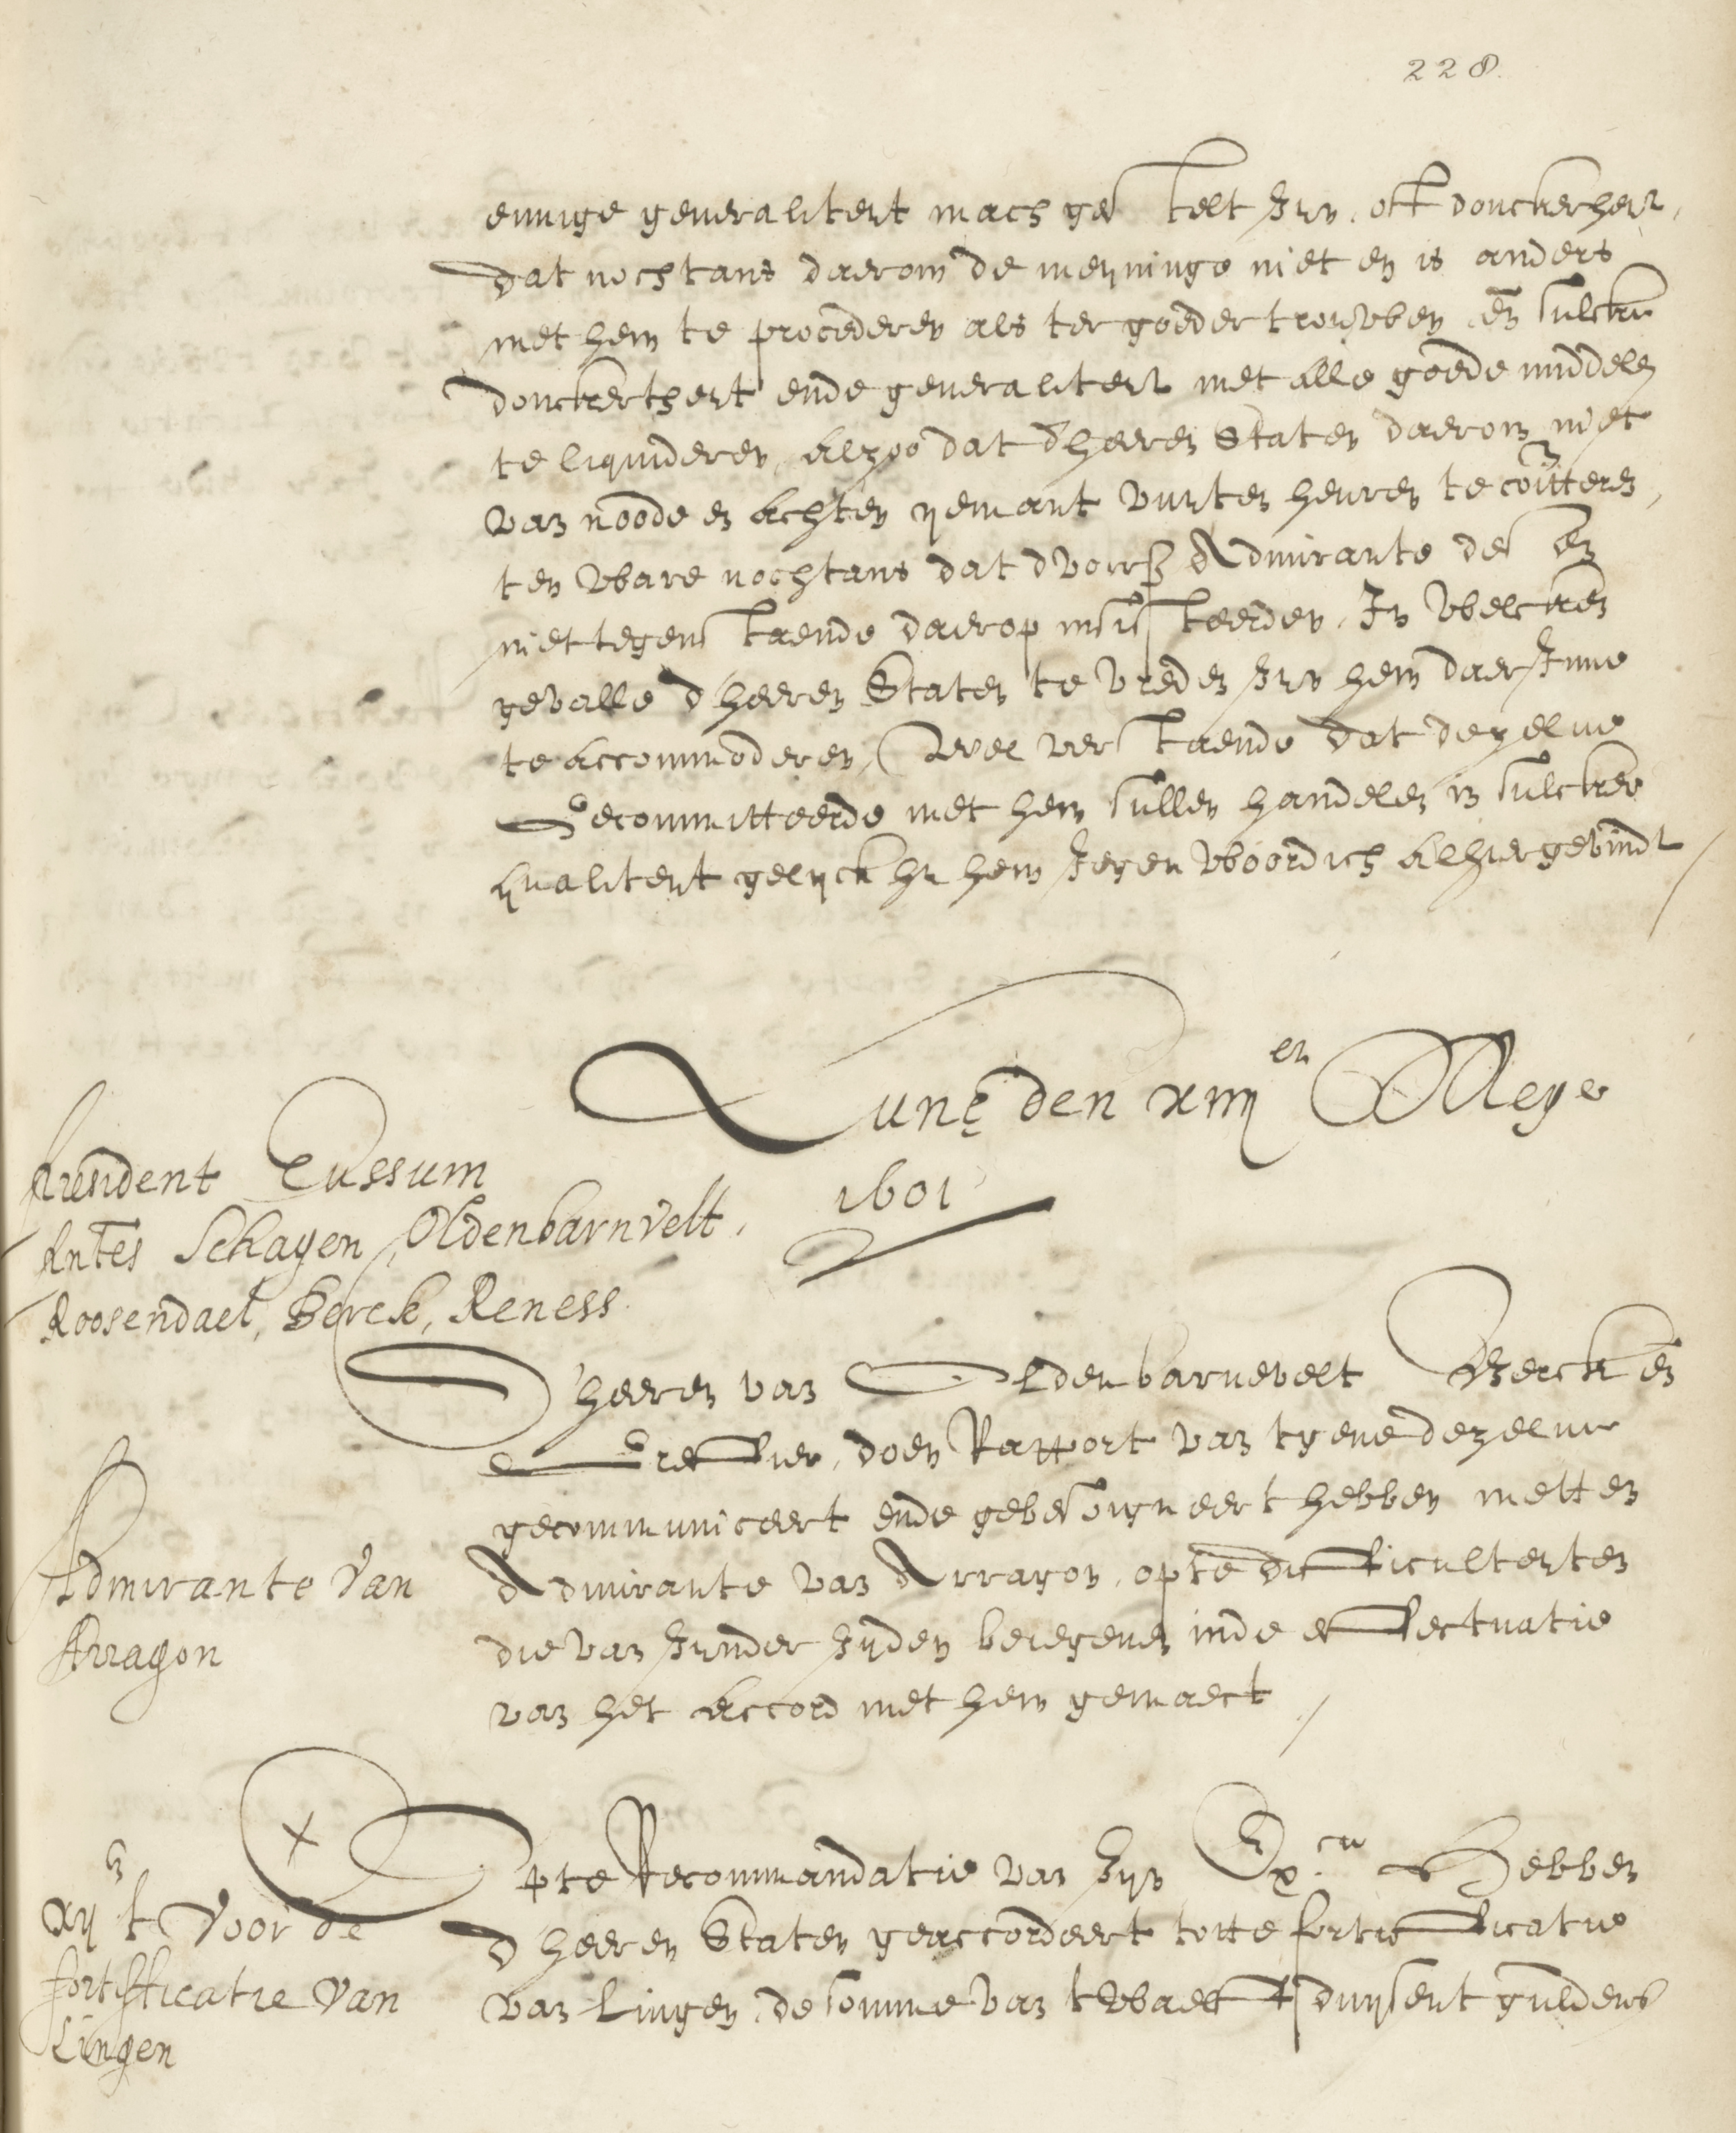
228.
ennige generaliteyt mach gestelt zyn, oft donckerheyt,
dat nochtans daerom de meyninge niet en is anders
met hem te procederen als ter goedertrouwen en sulcke
donckertheyt ende generaliteyt met alle goede middelen
te liquideren, alzoo dat d'heeren Staten daerom niet
van noode en achten yemant vuyten heuren te coitteren
ten ware nochtans dat d'voirs Admirante desen
niet tegenstaende daerop insisteerden. In welcken
gevalle d'heeren Staten te vreden zyn hem daer Inne
te accommoderen, wel verstaende dat dezelue
Gecommitteerde met hem sullen handelen in sulcker
qualiteyt gelyck hy hem Jegenwoordich alhier gevindt.
Lune den xviijen Meye
1601
President Eussum
Pntes Schagen, Oldenbarnvelt
Roosendael, Berck, Reness.
Admirante van
Arragon
D'heeren van Oldenbarnevelt Berck en
Greffier, doen Rapport van tgene dezelue
gecommuniceert ende gebesoigneert hebben metten
Admirante van Arragon, opte difficulteyten
die van zynder zyden beregeuen inde effectuatie
van het accord met hem gemaect.
xiie L Voor de
fortifficatie van
Lingen
Opte Recommandatie van zyn Excie hebben
D'heeren Staten geaccordeert totte fortifficatie
van Lingen de somme van twaelff duysent guldens
